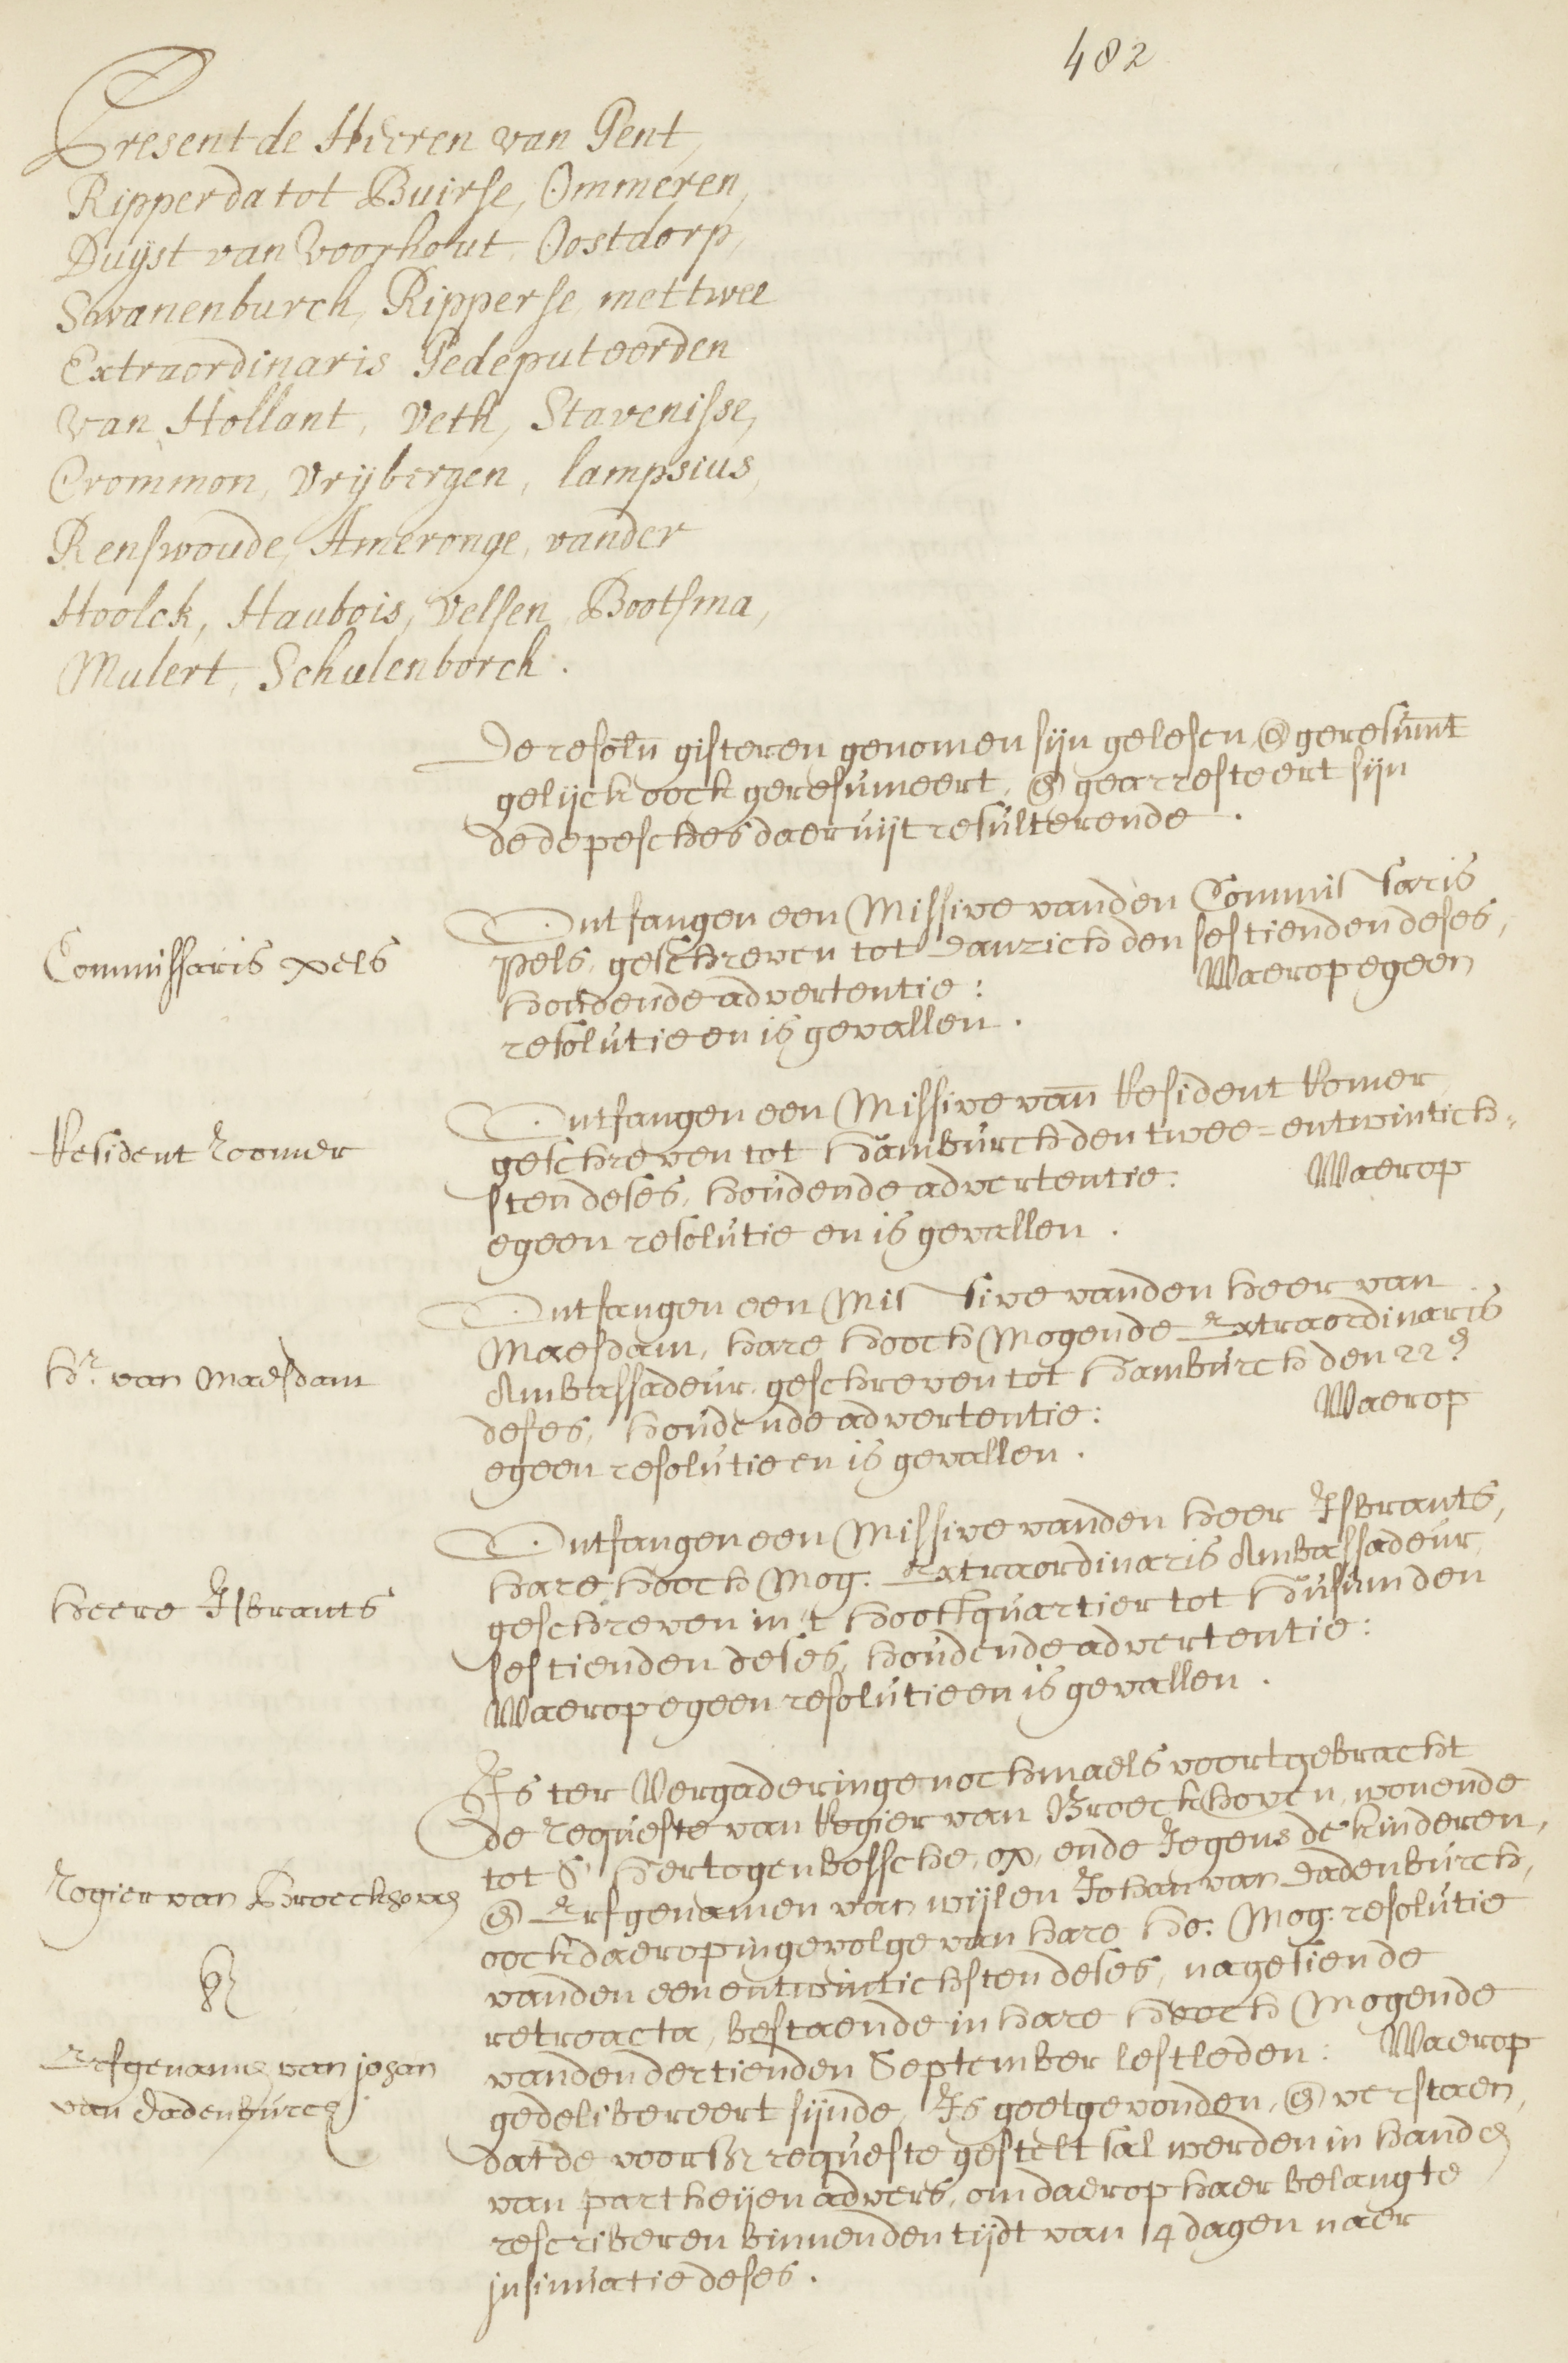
482
Present de Heeren van Gent,
Ripperda tot Buirse, Ommeren
Duijst van Voorhout, Oostdorp,
Swanenburch, Ripperse, met twee
Extraordinaris Gedeputeerden
van Hollant, Veth, Stavenisse,
Crommon, Vrijbergen lampsius
Renswoude, Ameronge, vander
Hoolck, Haubois, Velsen, Bootsma,
Mulert, Schulenborch.
De resoln gisteren genomen sijn gelesen & geresumt.
gelijck oock geresumeert, & gearresteert sijn
de depesches daeruijt resulterende.
Commissaris pels
Ontfangen een Missive vanden Commissaris
pels, geschreven tot Danzich den sestienden deses,
houdende advertentie: Waerop egeen
resolutie en is gevallen.
Resident roomer
Ontfangen een Missive van Resident Romer
geschreven tot Hamburch den twee=entwintich„
sten deses, houdende advertentie: Waerop
egeen resolutie en is gevallen.
Hr. van maesdam
Ontfangen een Missive vanden heer van
Maesdam, hare hooch mogende Extraordinaris
Ambassadeur, geschreven tot Hamburch den 22en
deses, houdende advertentie: Waerop
egeen resolutie en is gevallen.
Heere Ibrants
Ontfangen een Missive vanden heer Isbrants,
hare hooch Mog: Extraordinaris Ambassadeur
geschreven in 't hooftquartier tot Husum den
sestienden deses, houdende advertentie:
Waerop egeen resolutie en is gevallen.
rogier van Broeckhoven
ca.
Erfgename van johan
van Dadenburch
Is ter Vergaderinge nochmaels voortgebracht
de requeste van Rogier van Broeckhoven, wonende
tot S‛ Hertogenbossche, op, ende Jegens de kinderen,
& Erfgenamen van wijlen Johan van Dadenburch,
oock daerop ingevolge van hare Ho:Mog: resolutie
vanden een entwintichsten deses, nagesien de
retroacta, bestaende in hare Hooch Mogende
vanden dertienden September lestleden: Waerop
gedelibereert sijnde, Is goetgevonden, & verstaen,
dat de voors. requeste gestelt sal werden in handen
van partheijen advers, om daerop haer belang te
rescriberen binnen den tijdt van 14dagen naer
insinuatie deses.
